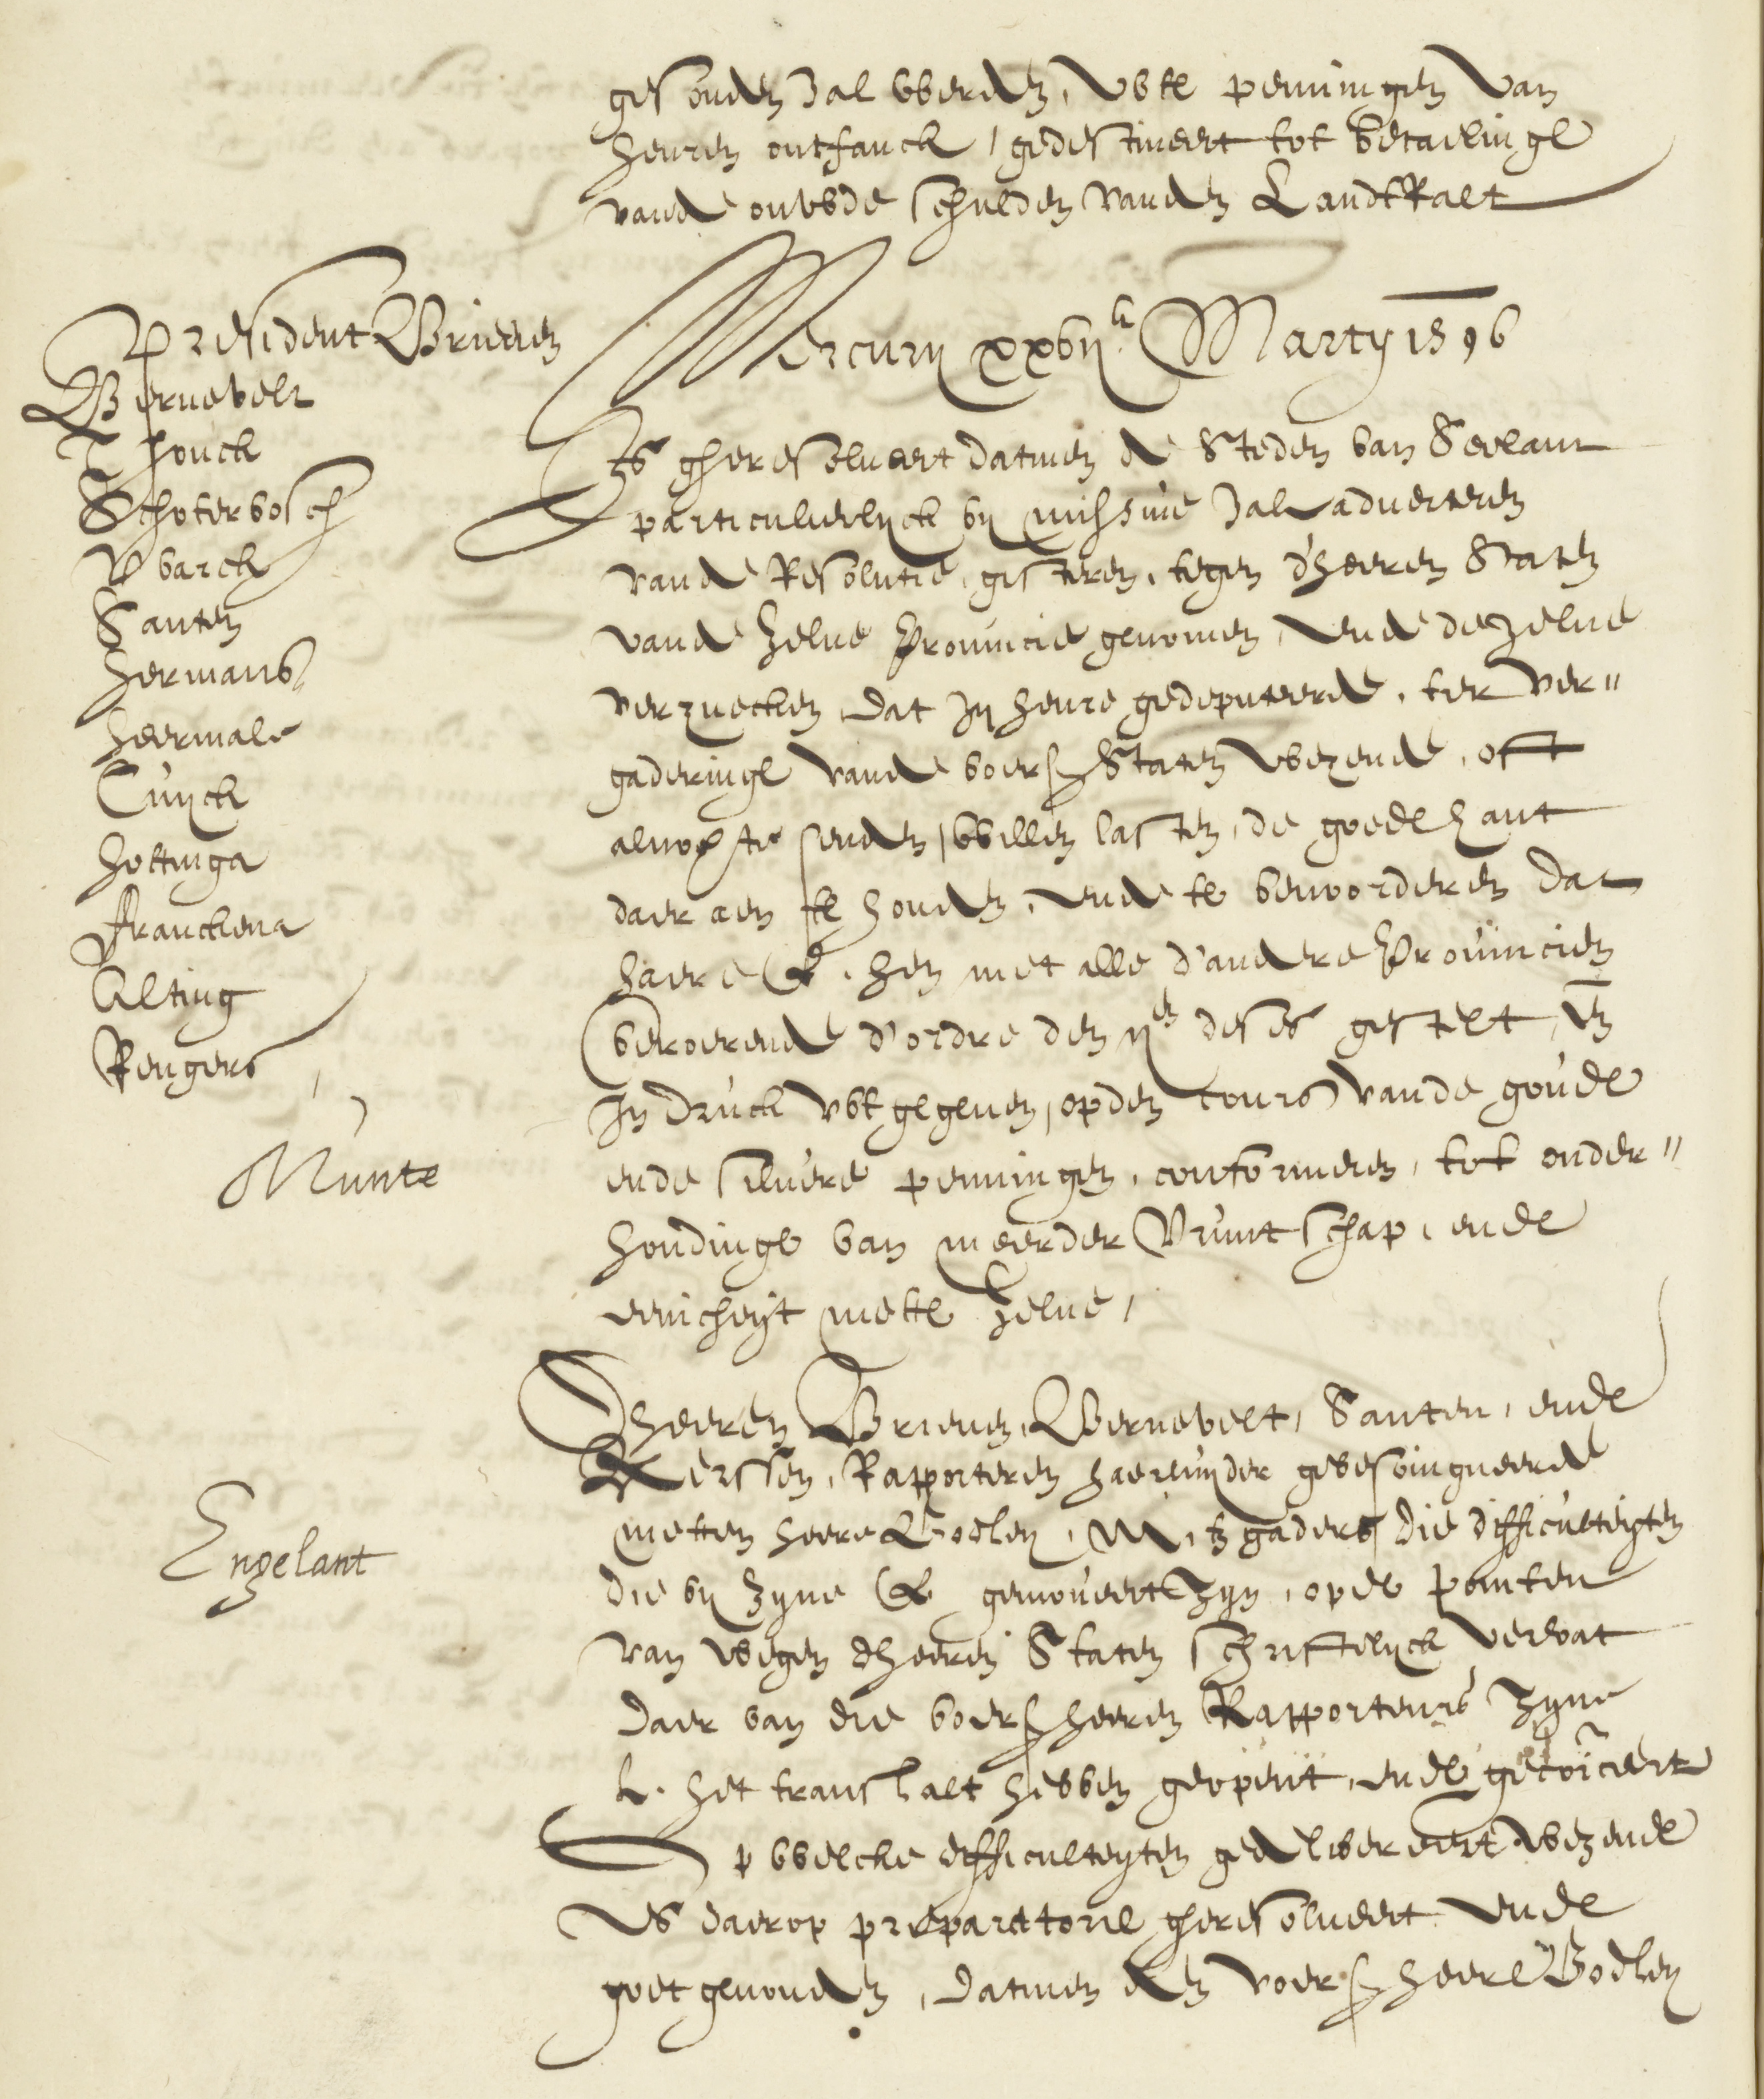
gesonden sal werden, wte penningen van
heuren ontfanck, gedestineert tot betaelinge
vande ouwde schulden vanden LandtRaet
Mercury XXVIIen Marty 1596
President Brienen
Bernevelt
TJonck
Schoterbosch
Warck
Santen
Hermans
Heermale
Cuyck
Hottinga
Franckena
Alting
Rengers
Is gheresolveert datmen de steden van Seelant
particulierlyck by missiue zal aduerteren
vande Resolutie, gisteren, tegen d‛heeren Staten
vande zelue Provincie genomen, ende dezelue
verzuecken, dat zy heure gedeputeerde, ter ver‟
gaderinge vande voers Staten wezende, off
alnoch te senden, willen laten, de goede hant
daer aen te houden, ende te beuoorderen dat
haer E. hen met alle d‛andere Prouincien
beroerende d‛ordre den IIen deses gestelt, en
In druck wtgegeven, opden cours vande goude
ende siluere penningen, conformeren tot onder„
houdinge van meerdere Vruntschap, ende
eenicheyt mette zelue
Munte
Engelant
Dheeren Brienen, Bernevelt, Santen, ende
Aerssen, Rapporteren haerluyder gebesoingueerde
metten heere Bodley, Mitzgaders die difficulteyten
die by zyne E. gemoueert zyn, opde pointen
van wegen dheeren Staten schriftelyck vervat
daer van die voers heeren Rapporteurs zyne
L. het translaet hebben geopent, ende gecoiceert
Op welcke difficulteyten gedelibereert wezende
es daerop preparatore gheresolueert ende
goetgeuonden, datmen den voers heere Bodley
